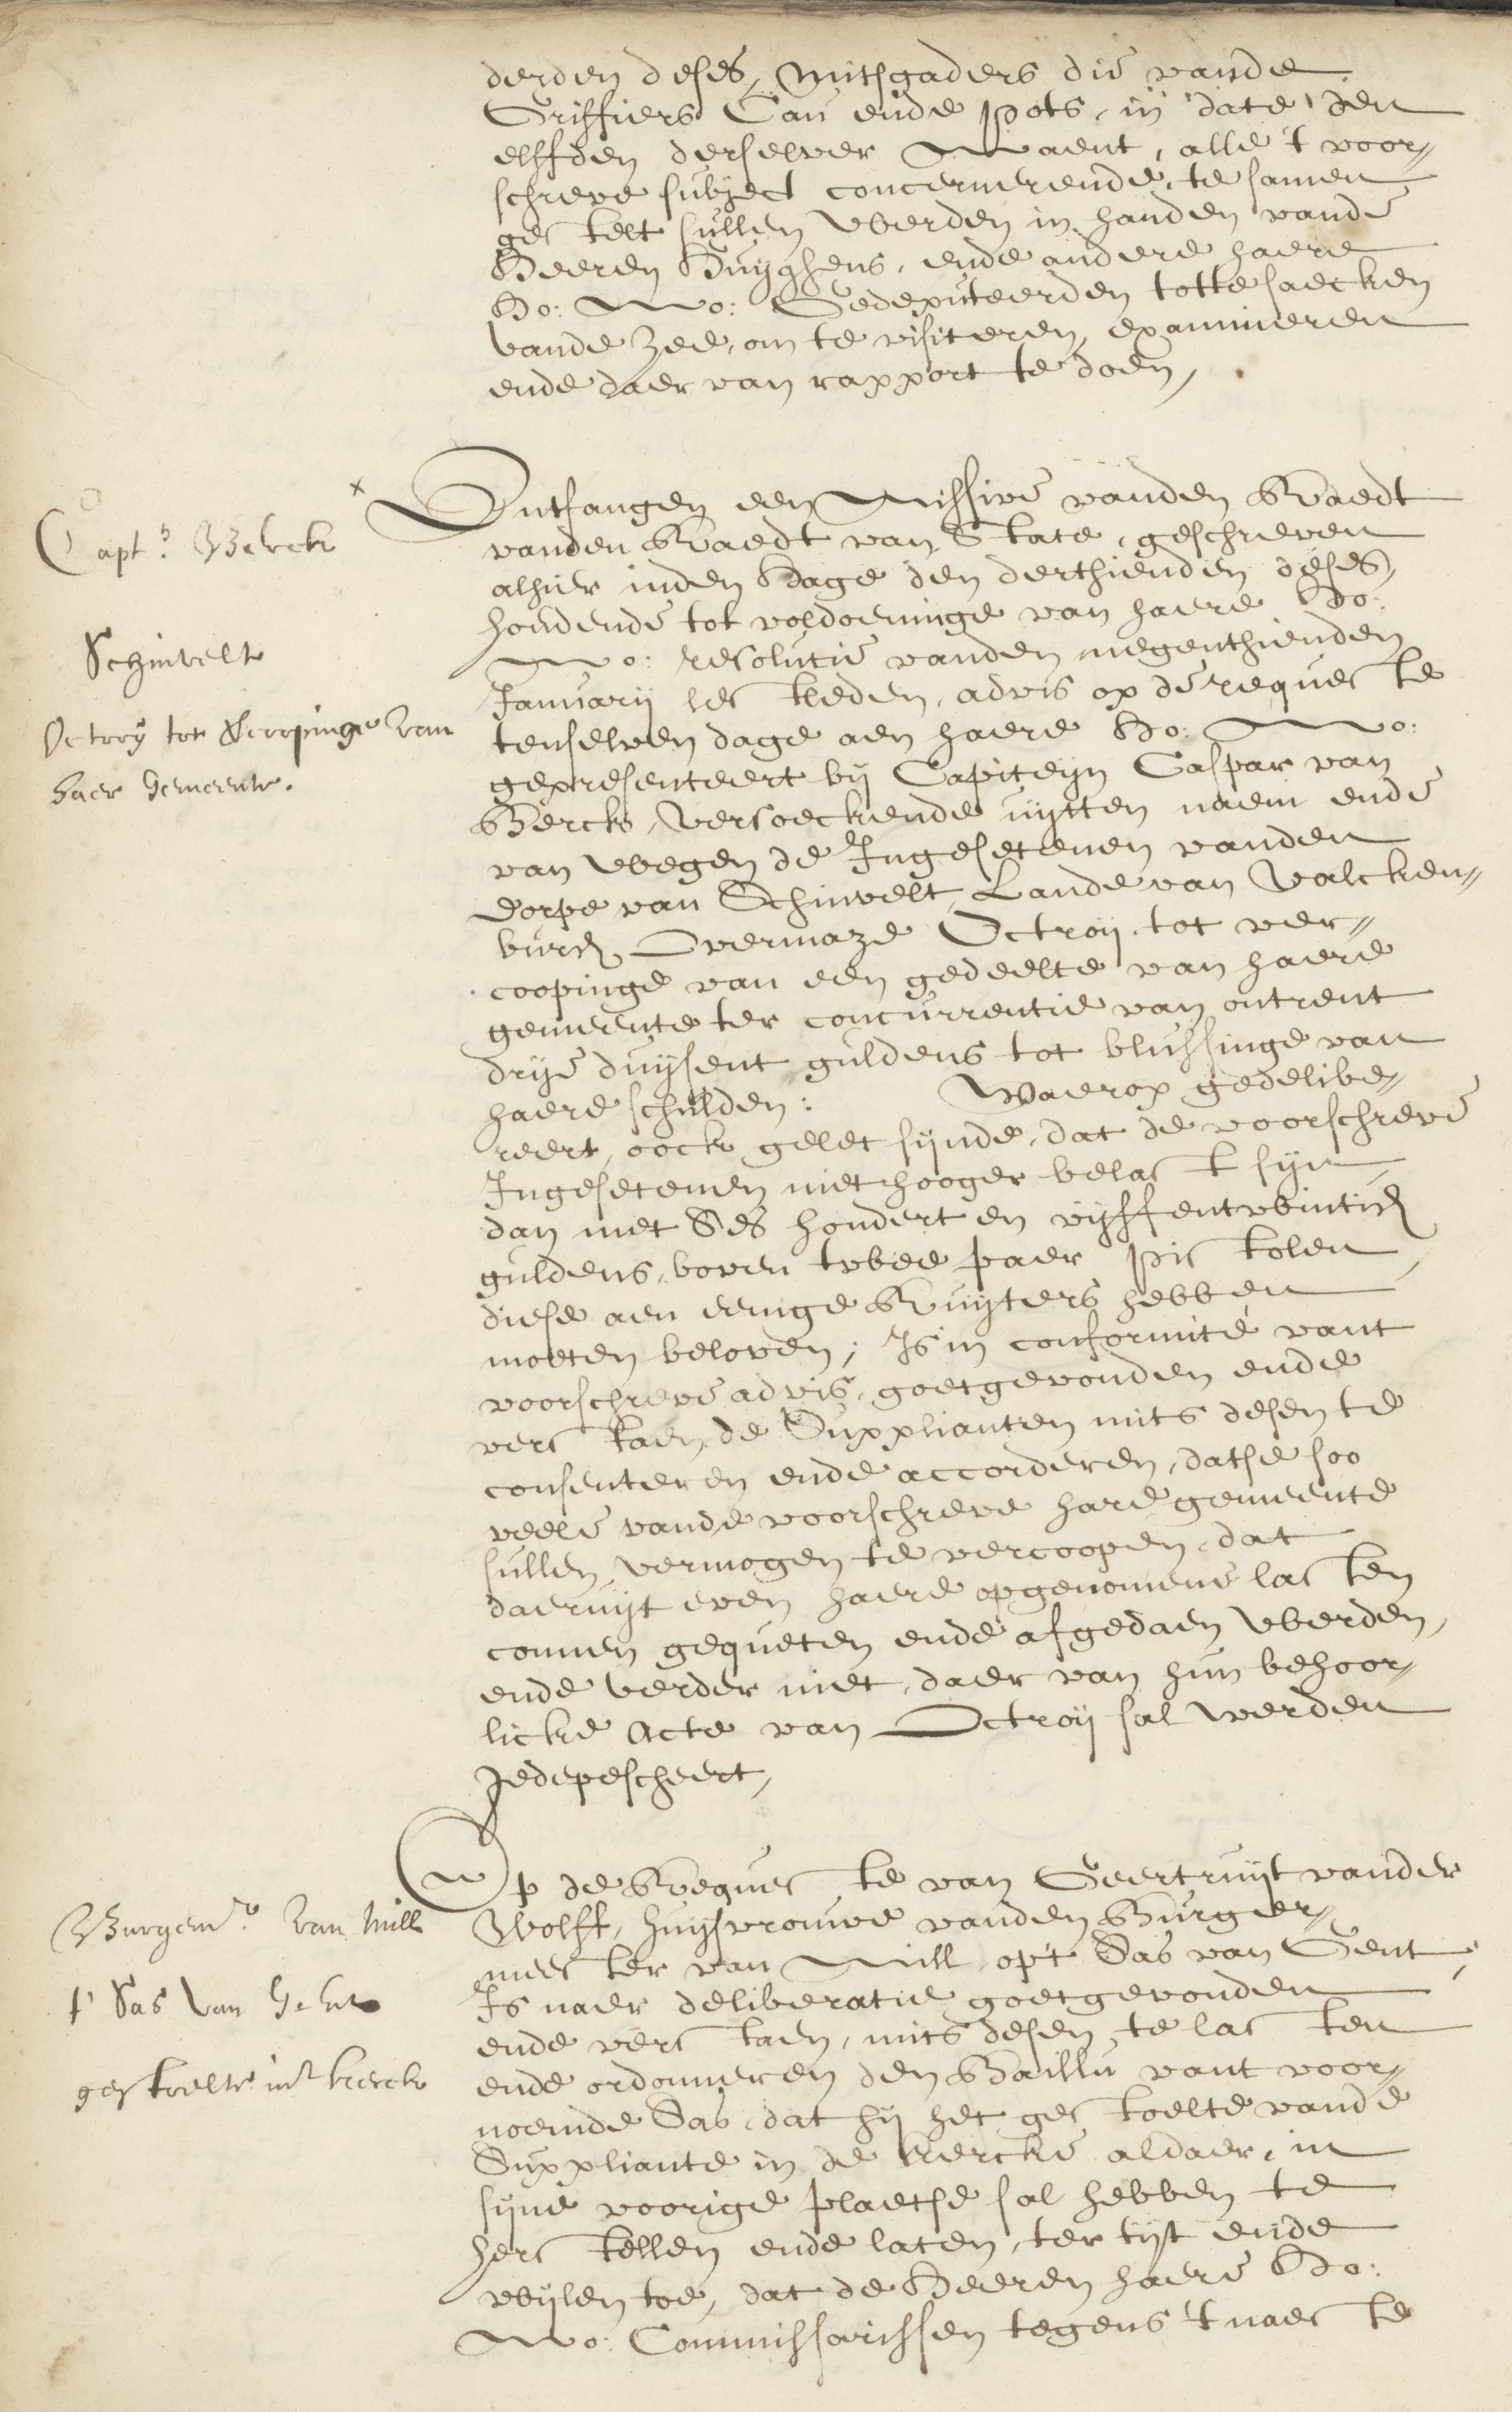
derden deses, mitsgaders die vande
Griffiers Can ende Pots, in date den
elffden derselver Maent, alle ‛t voor„
schreve subject concernerende, te samen
gestelt sullen werden in handen vande
Heeren Huijghens, ende andere haere
Ho:Mo: Gedeputeerden totte saecken
vande Zee, om te visiteren, examineren
ende daer van rapport te doen.
Captn. Berck
Schinvelt
Octroij ter vcoopinge van
haer Gemeente.
Ontfangen een Missive vanden Raedt
vanden Raedt van State, geschreven
alhier inden Hage den derthienden deses,
houdende tot voldoeninge van haere Ho:
Mo: resolutie vanden negenthienden
Januarij lestleden, advis op de requeste
tenselven dage aen haere Ho:Mo:
gepresenteert bij Capiteijn Caspar van
Berck, versoeckende uijtten naem ende
van wegen de Ingesetenen vanden
Dorpe van Schinvelt, Lande van Valcken„
burch Overmaze Octroij tot ver„
coopinge van een gedeelte van haere
gemeente ter concurrentie van ontrent
drije duijsent guldens tot blussinge van
haere schulden: Waerop gedelibe„
reert, oock gelet sijnde, dat de voorschreve
Ingesetenen niet hooger belast sijn,
dan met Ses hondert en vijffentwintich
guldens, boven twee paer pistolen
diese aen eenige Ruijters hebben
moeten beloven; Is in conformité vant
voorschreve advis, goetgevonden ende
verstaen, de Supplianten mits desen te
consenteren ende accorderen, datse soo
veele vande voorschreve hare gemeente
sullen vermogen te vercoopen, dat
daeruijt even haere opgenomene lasten
connen gequeten ende afgedaen werden,
ende verder niet, daer van hun behoor„
licke Acte van Octroij sal werden
gedepescheert.
Burgermr. van Mill
t‛ Sas van Gent
gestoelte int kerck
Op de Requeste van Geertruijt vander
Wolff, huijsvrouwe vanden Burger„
meester van Mill op‛t Sas van Gent,
Is naer deliberatie goetgevonden
ende verstaen, mits desen te lasten
ende ordonneren den Baillu vant voor„
noemde Sas, dat hij het gestoelte vande
Suppliante in de kercke aldaer, in
sijne voorige plaetse sal hebben te
herstellen ende laten, ter tijt ende
wijlen toe, dat de Heeren haere Ho:
Mo: Commissarissen tegens ‛t naeste
